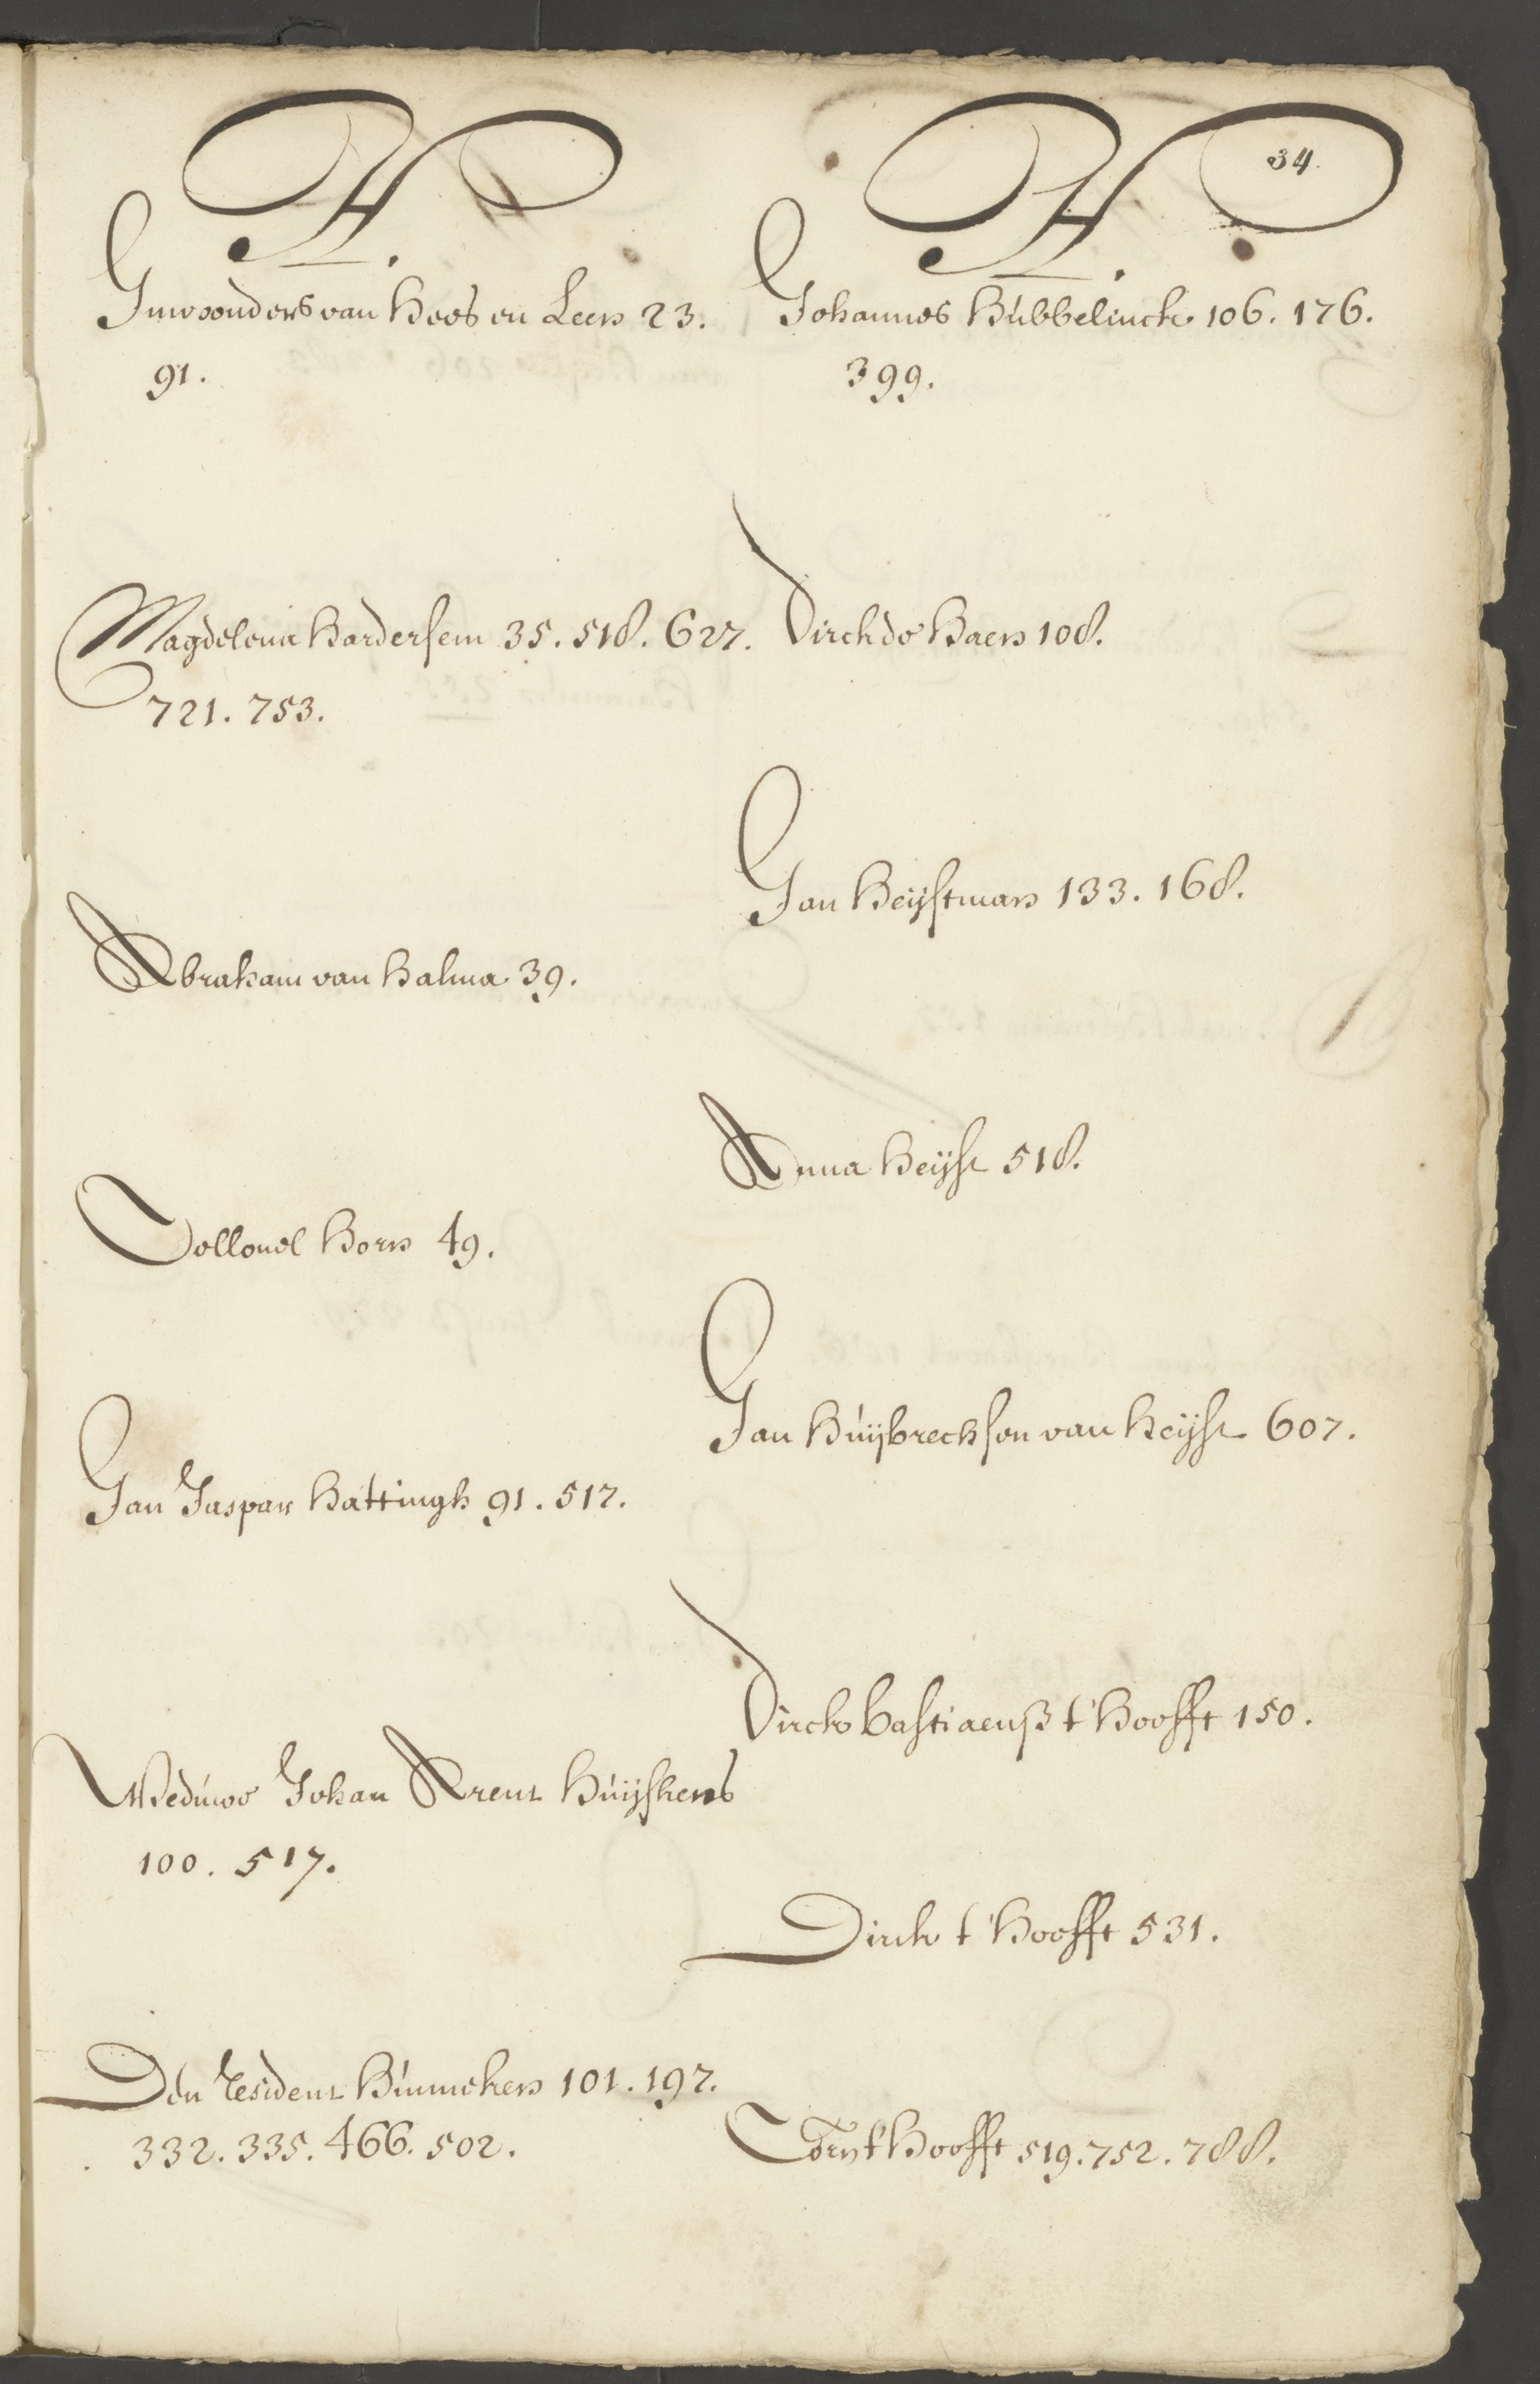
H.
Inwoonders van Hees en Leen 23.
91.
Magdelena Hardersem 35. 518. 627.
721. 753.
Abraham van Halma 39.
Collonel Horn 49.
Jan Jaspar Hattingh 91. 517.
Weduwe Johan Arent Huijskens
100. 517.
Den Resident Hunneken 101. 197.
332. 335. 466. 502.
H.
Johannes Hubbelinck 106. 176.
399.
Dirck de Haen 108.
Jan Heijstman 133. 168.
Anna Heijst 518.
Jan Huijbrechsen van Heijst 607.
Dirck Bastiaens t‛Hoofft 150.
Dirk t‛ Hoofft 531.
Corn t‛ Hoofft 519. 752. 788.
34.
